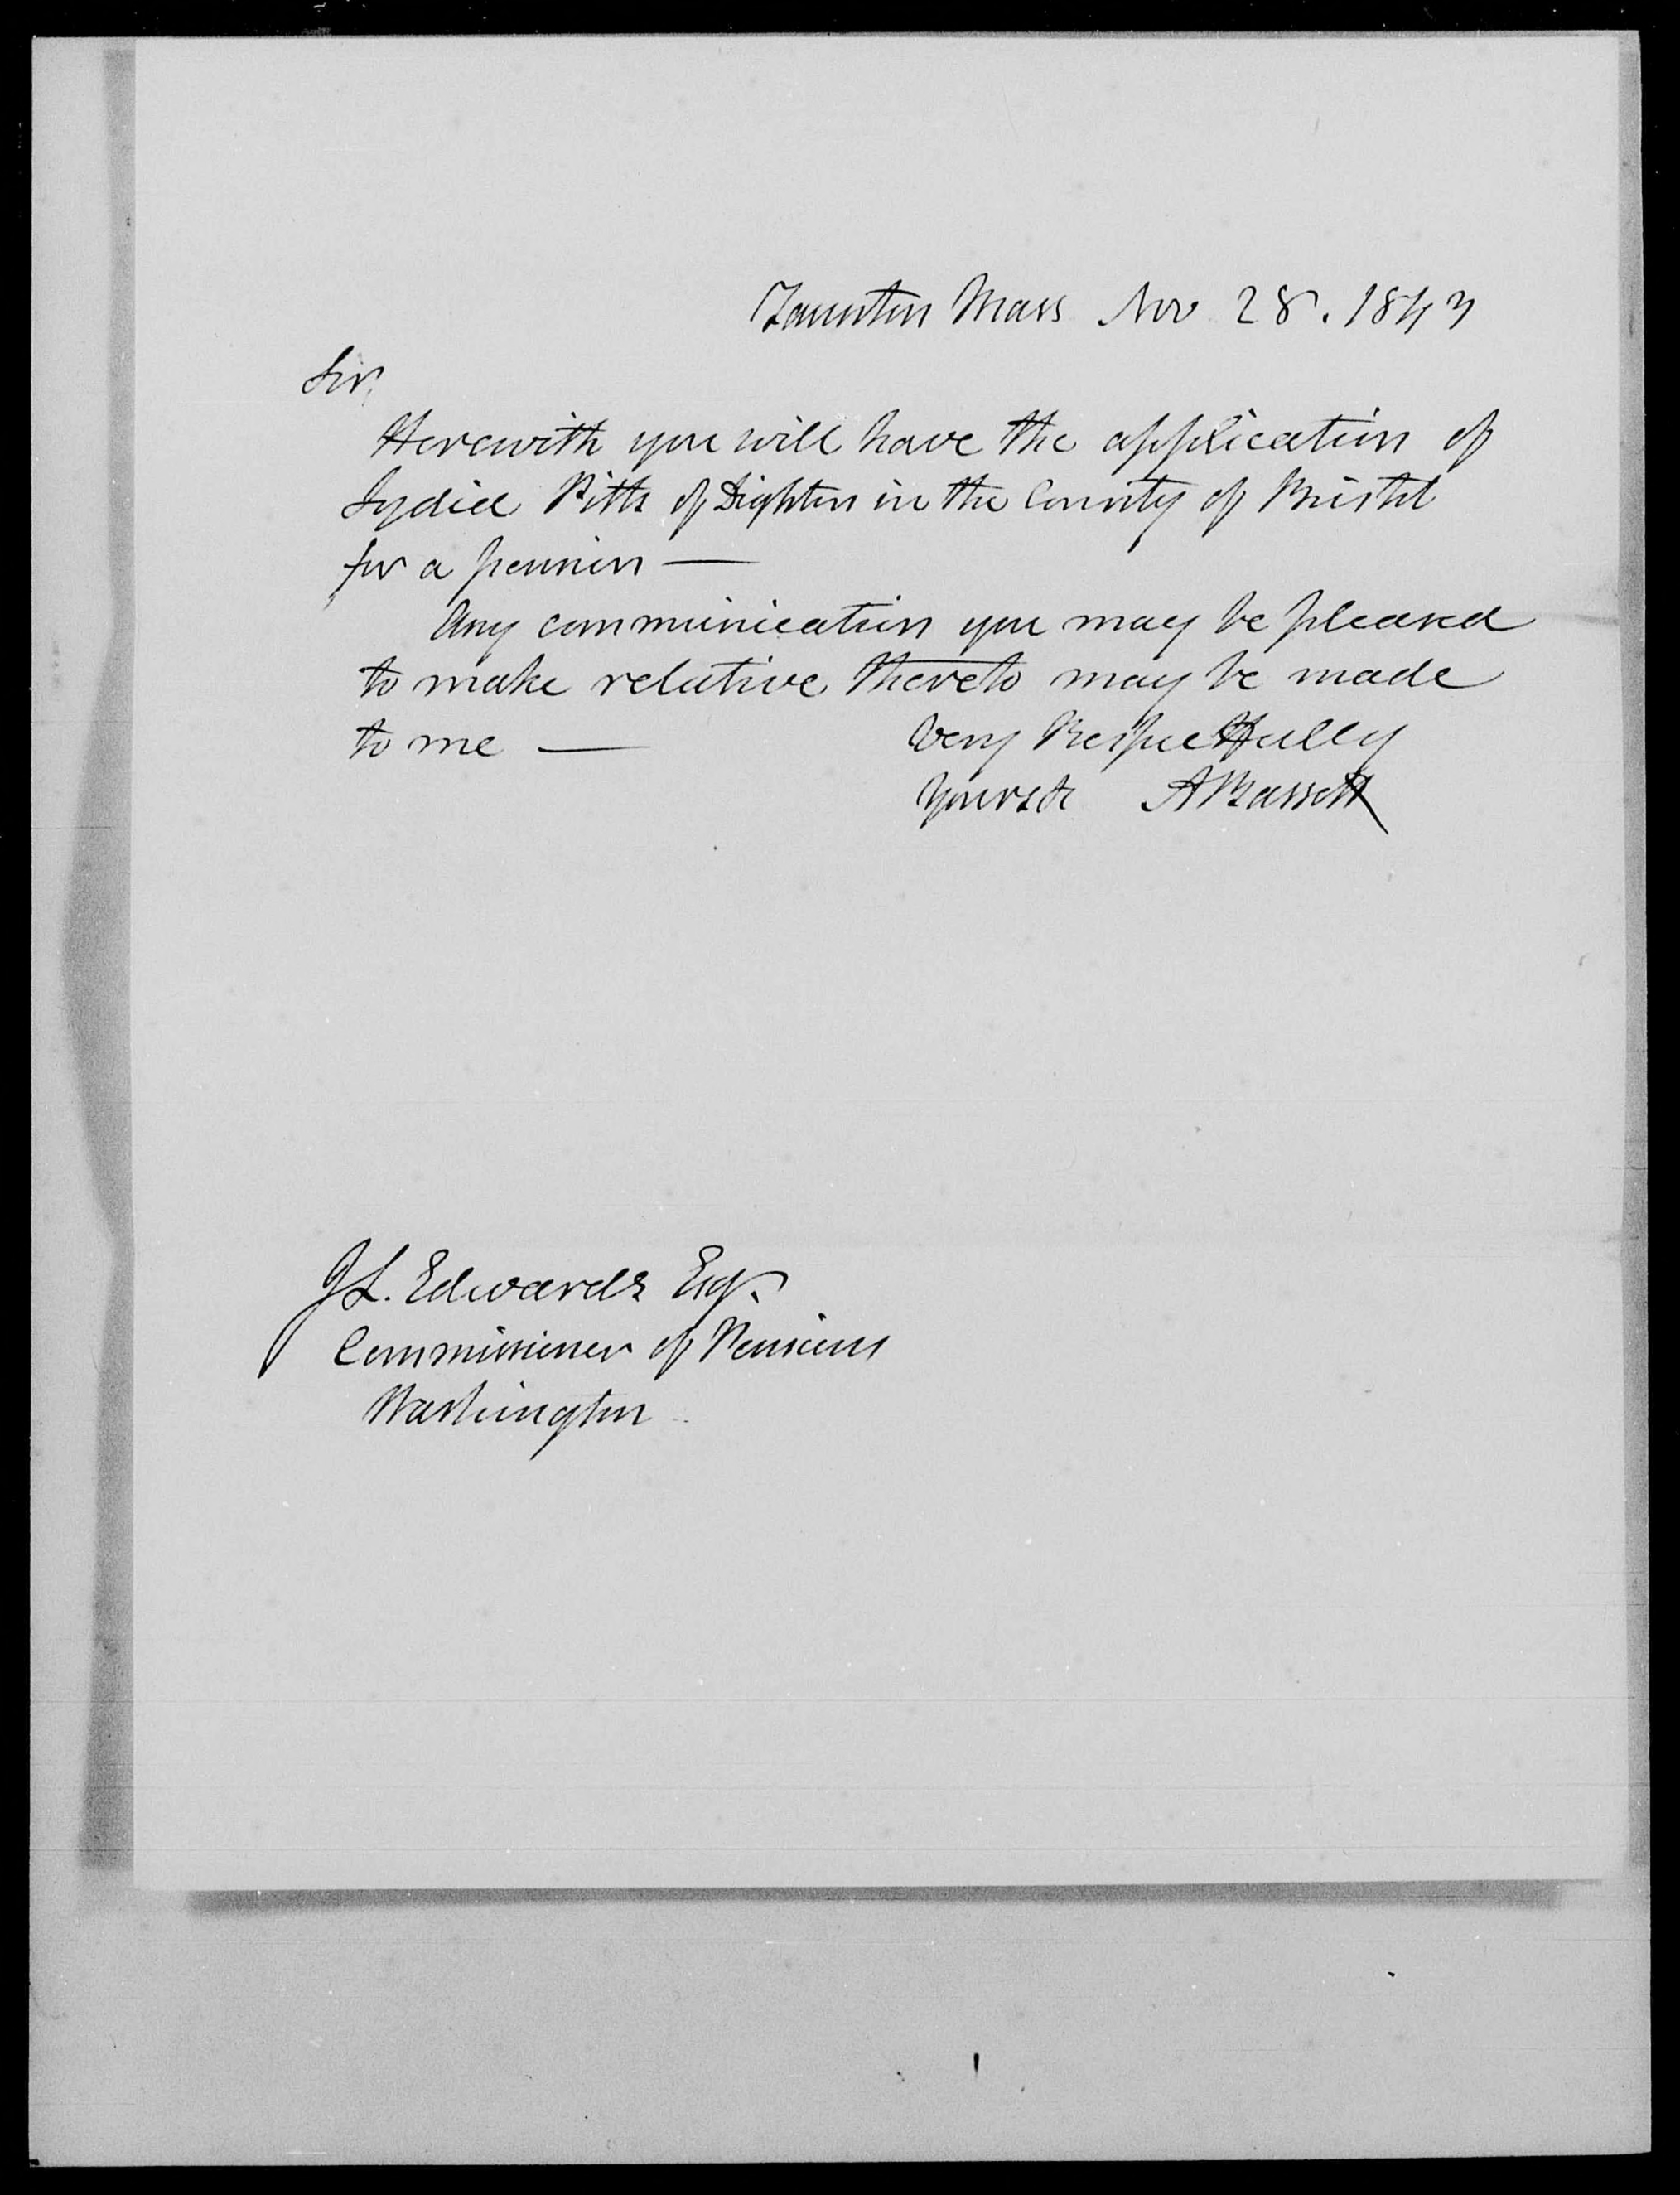Taunton Mass Nov 28. 1847
Sir
Herewith you will have the application of
Lydia Pitts of Dighton in the County of Bristol
for a pension.
Any communication you may be pleased
to make relative thereto may be made
to me,
Very Respectfully
Yours
A Bassett
J. L. Edwards Esq.
Commissioner of Pensions
Washington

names: A Bassett; Lydia Pitts; J L Edwards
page: 29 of 54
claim: widow's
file: W. 26,897, for George Pitts, Massachusetts